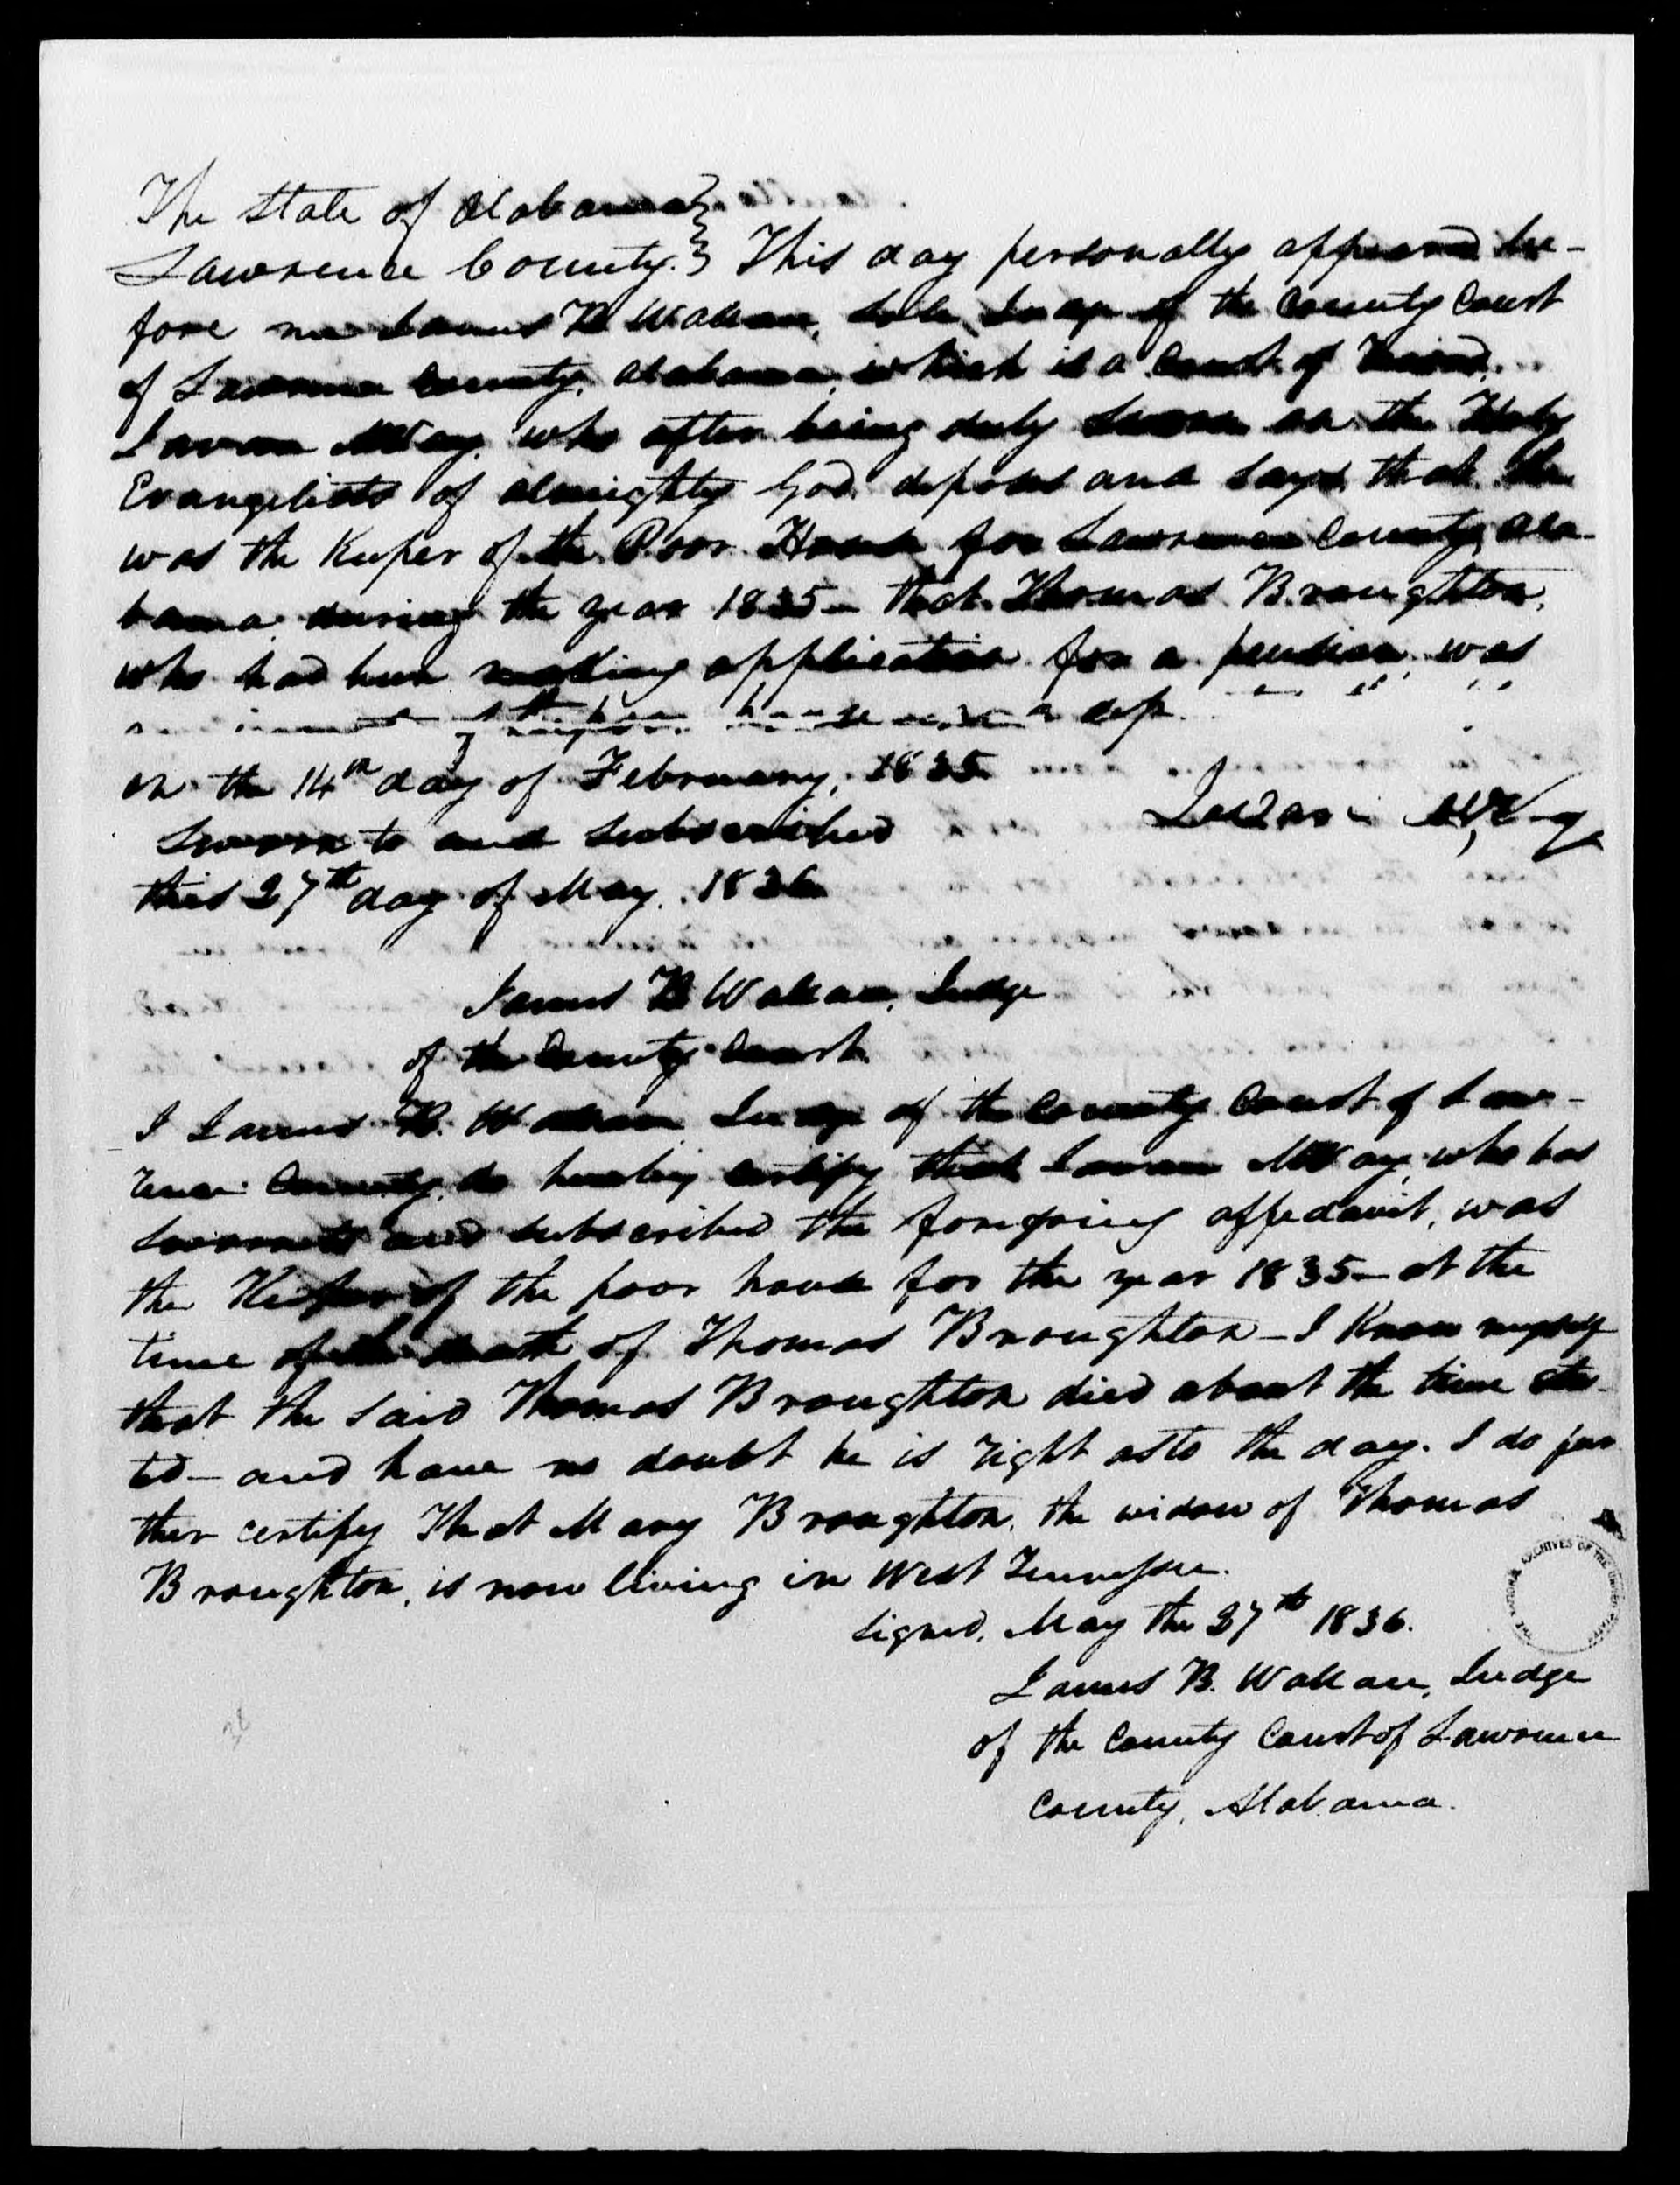The State of Alabama}
Lawrence County       
This day personally appeared before me James B. Wallace sole Judge of the County Court of Lawrence County Alabama which is a Court of record James McVay who after being duly sworn on the Holy Evangelists of Almighty God deposes and says that he was the keeper of the poor house for Lawrence County Alabama during the year 1835 - that Thomas Broughton
who had had been making application for a pension was [illegible-creased] on the 14th day of February 1835  
[illegible]

Sworn to and subscribed this 27th day of May 1836 
James B. Wallace Judge of the County Court

I James B, Wallace Judge of the County Court
of Lawence County do hereby certify that [illegible] who has Sworn to and subscribed the foregoing affidavit was the keeper of the poor house for the year 1835 at the time of the death of Thomas Broughton - I know (illegible) that the said Thomas Broughton died about the time stated - and have no doubt he is right as to the day. I do further certify that Mary Broughton the widow of Thomas Broughton, is now living in West Tennessee

Signed, May the 17th 1836

James B. Wallace Judge
of the County Court of Lawrence
County, Alabama

[stamp]
THE NATIONAL ARCHIVES OF THE UNITD STATES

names: Thomas Broughton, Mary Broughton, Iwan, Thomas Broughton, James B Wallace, James B Wallace, Thomas Broughton, Thomas Broughton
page: 31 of 72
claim: widow's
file: W. 897, Thomas Broughton, S.C.